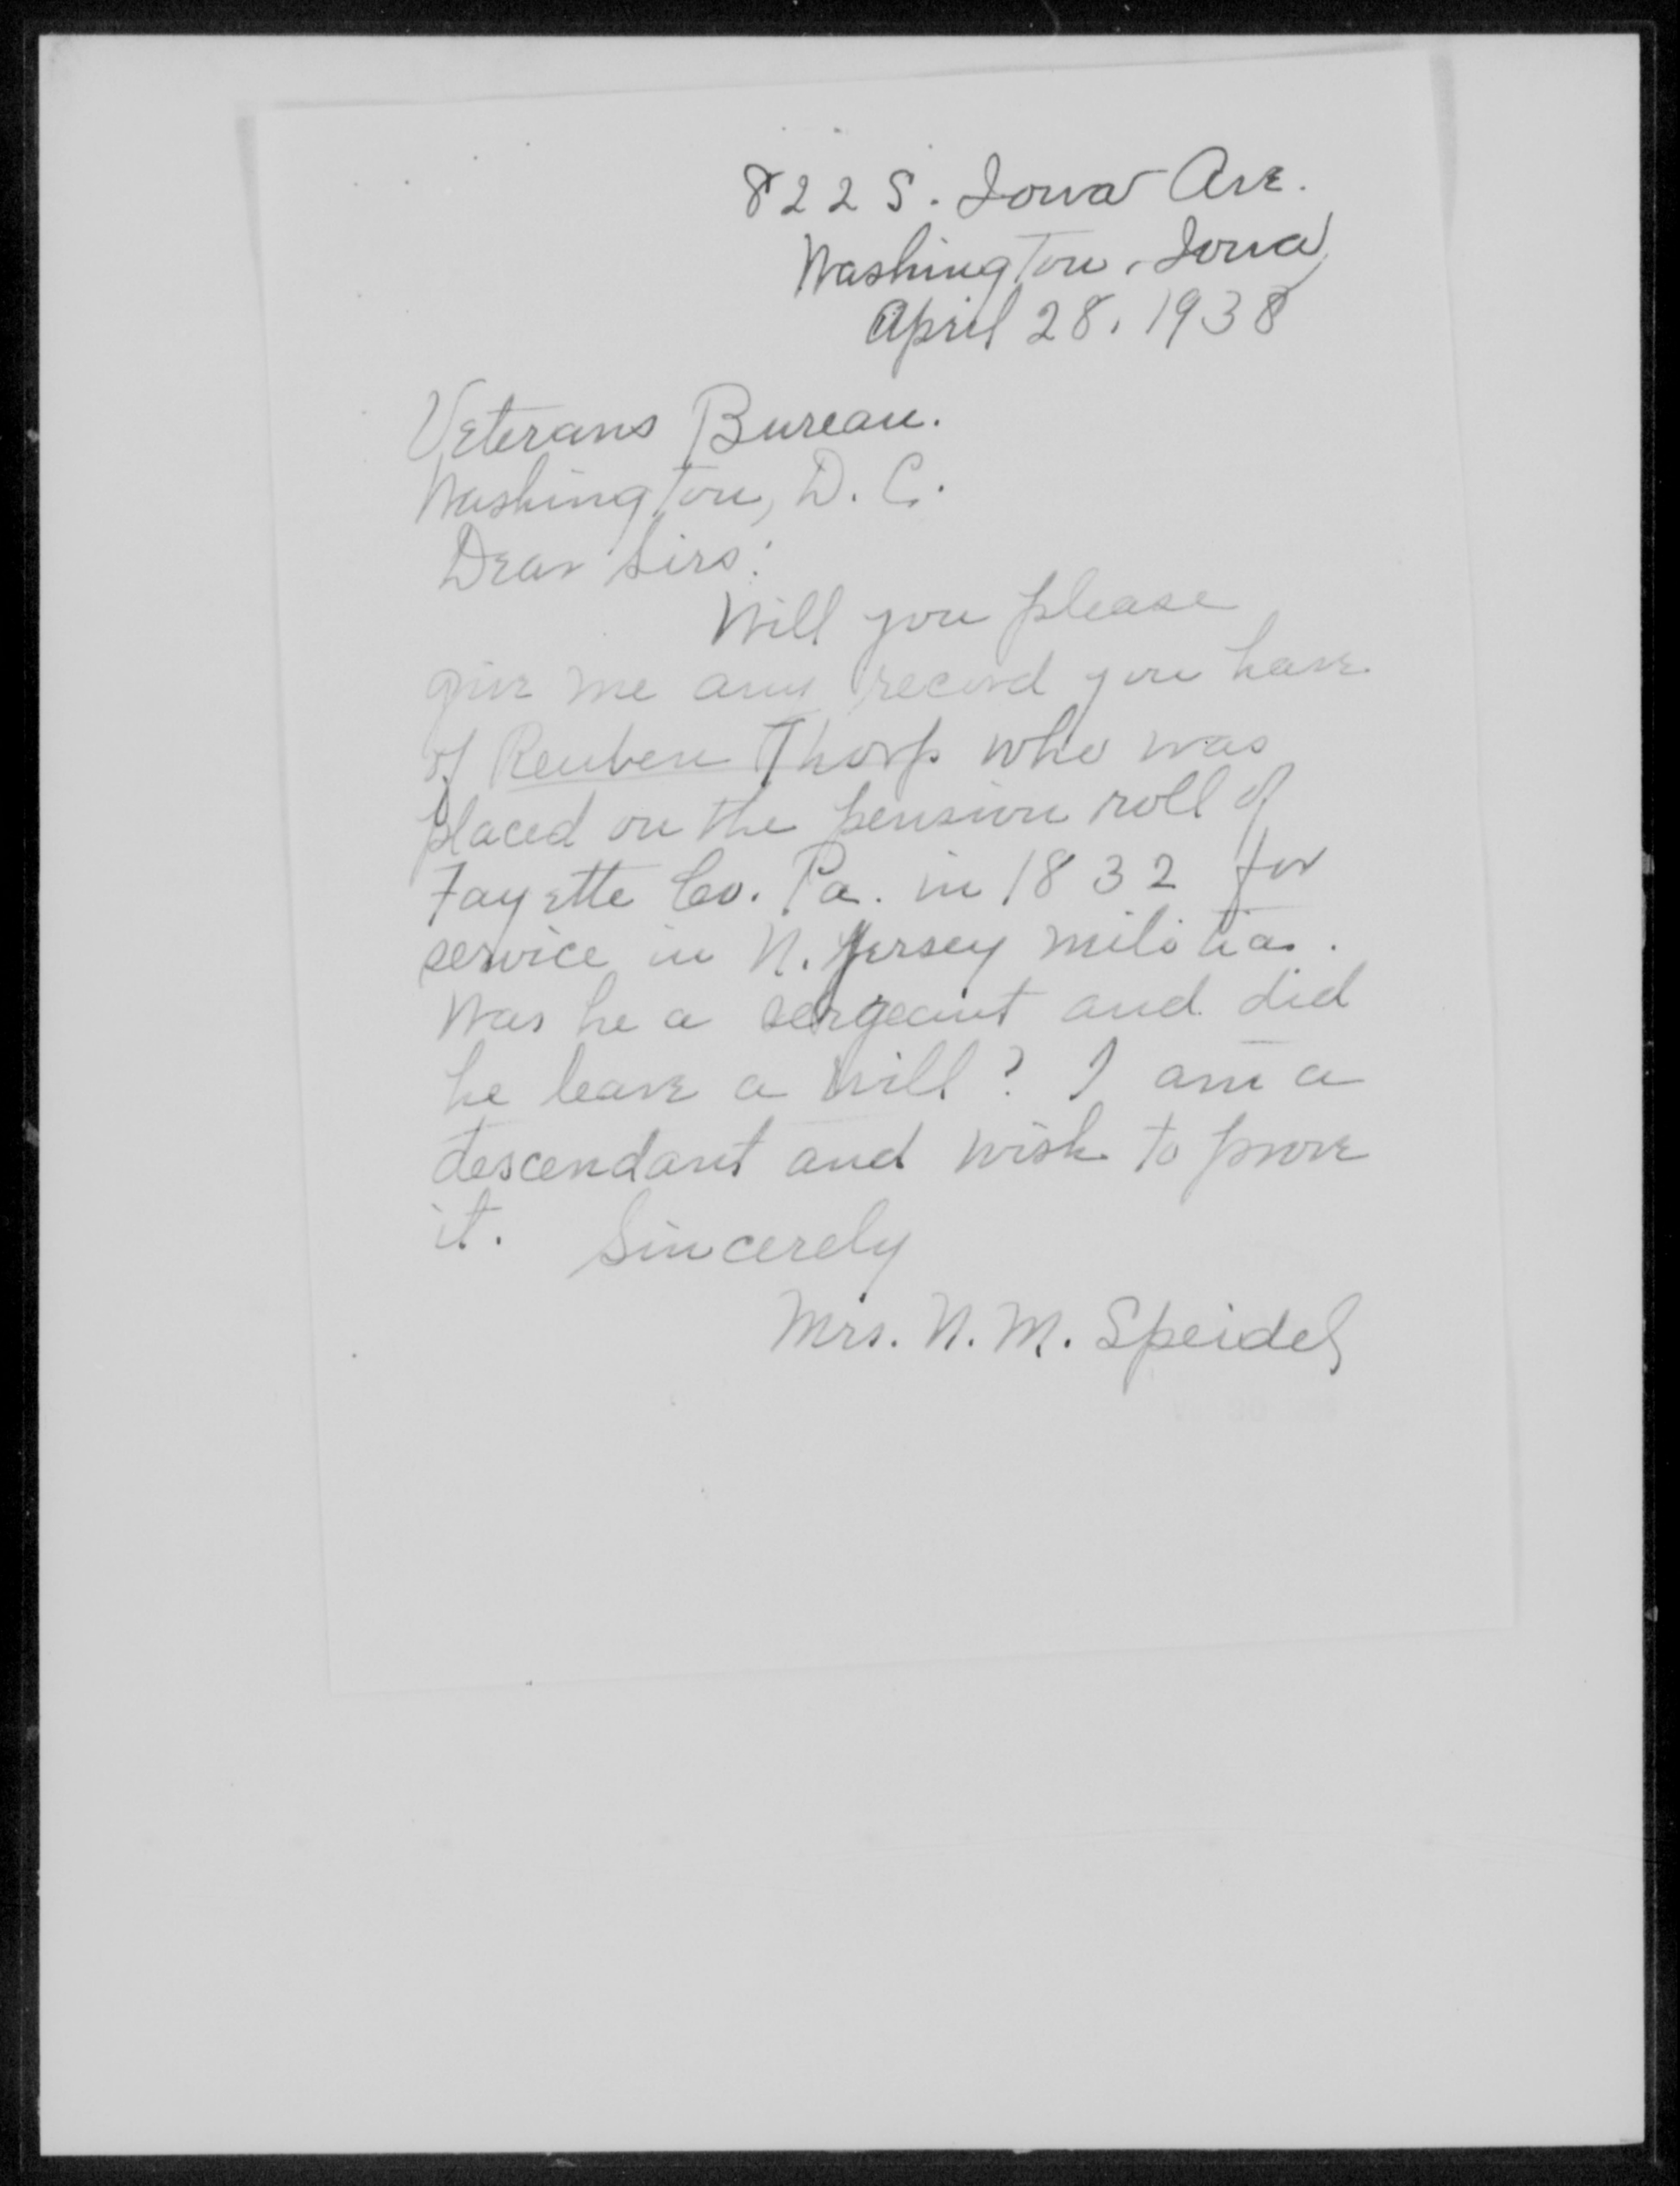822 S. Iowa Ave.
Washington Iowa
April 28, 1938
Veterans Bureau.
Washington, D.C.
Dear Sirs
Will you please
give me any record you have
of Reuben Thorp who was
placed on the pension roll of
Fayette Co. Pa. in 1832 for
service in N. Jersey Militia
Was he a sergeant and did
he leave a Will? I am a 
descendant and wish to prove
it.
Sincerely
Mrs. N.M. Speidel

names: N M Speidel; Reuben Thorp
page: 27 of 28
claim: survivor's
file: S. 6229, for Reuben Thorp, New Jersey